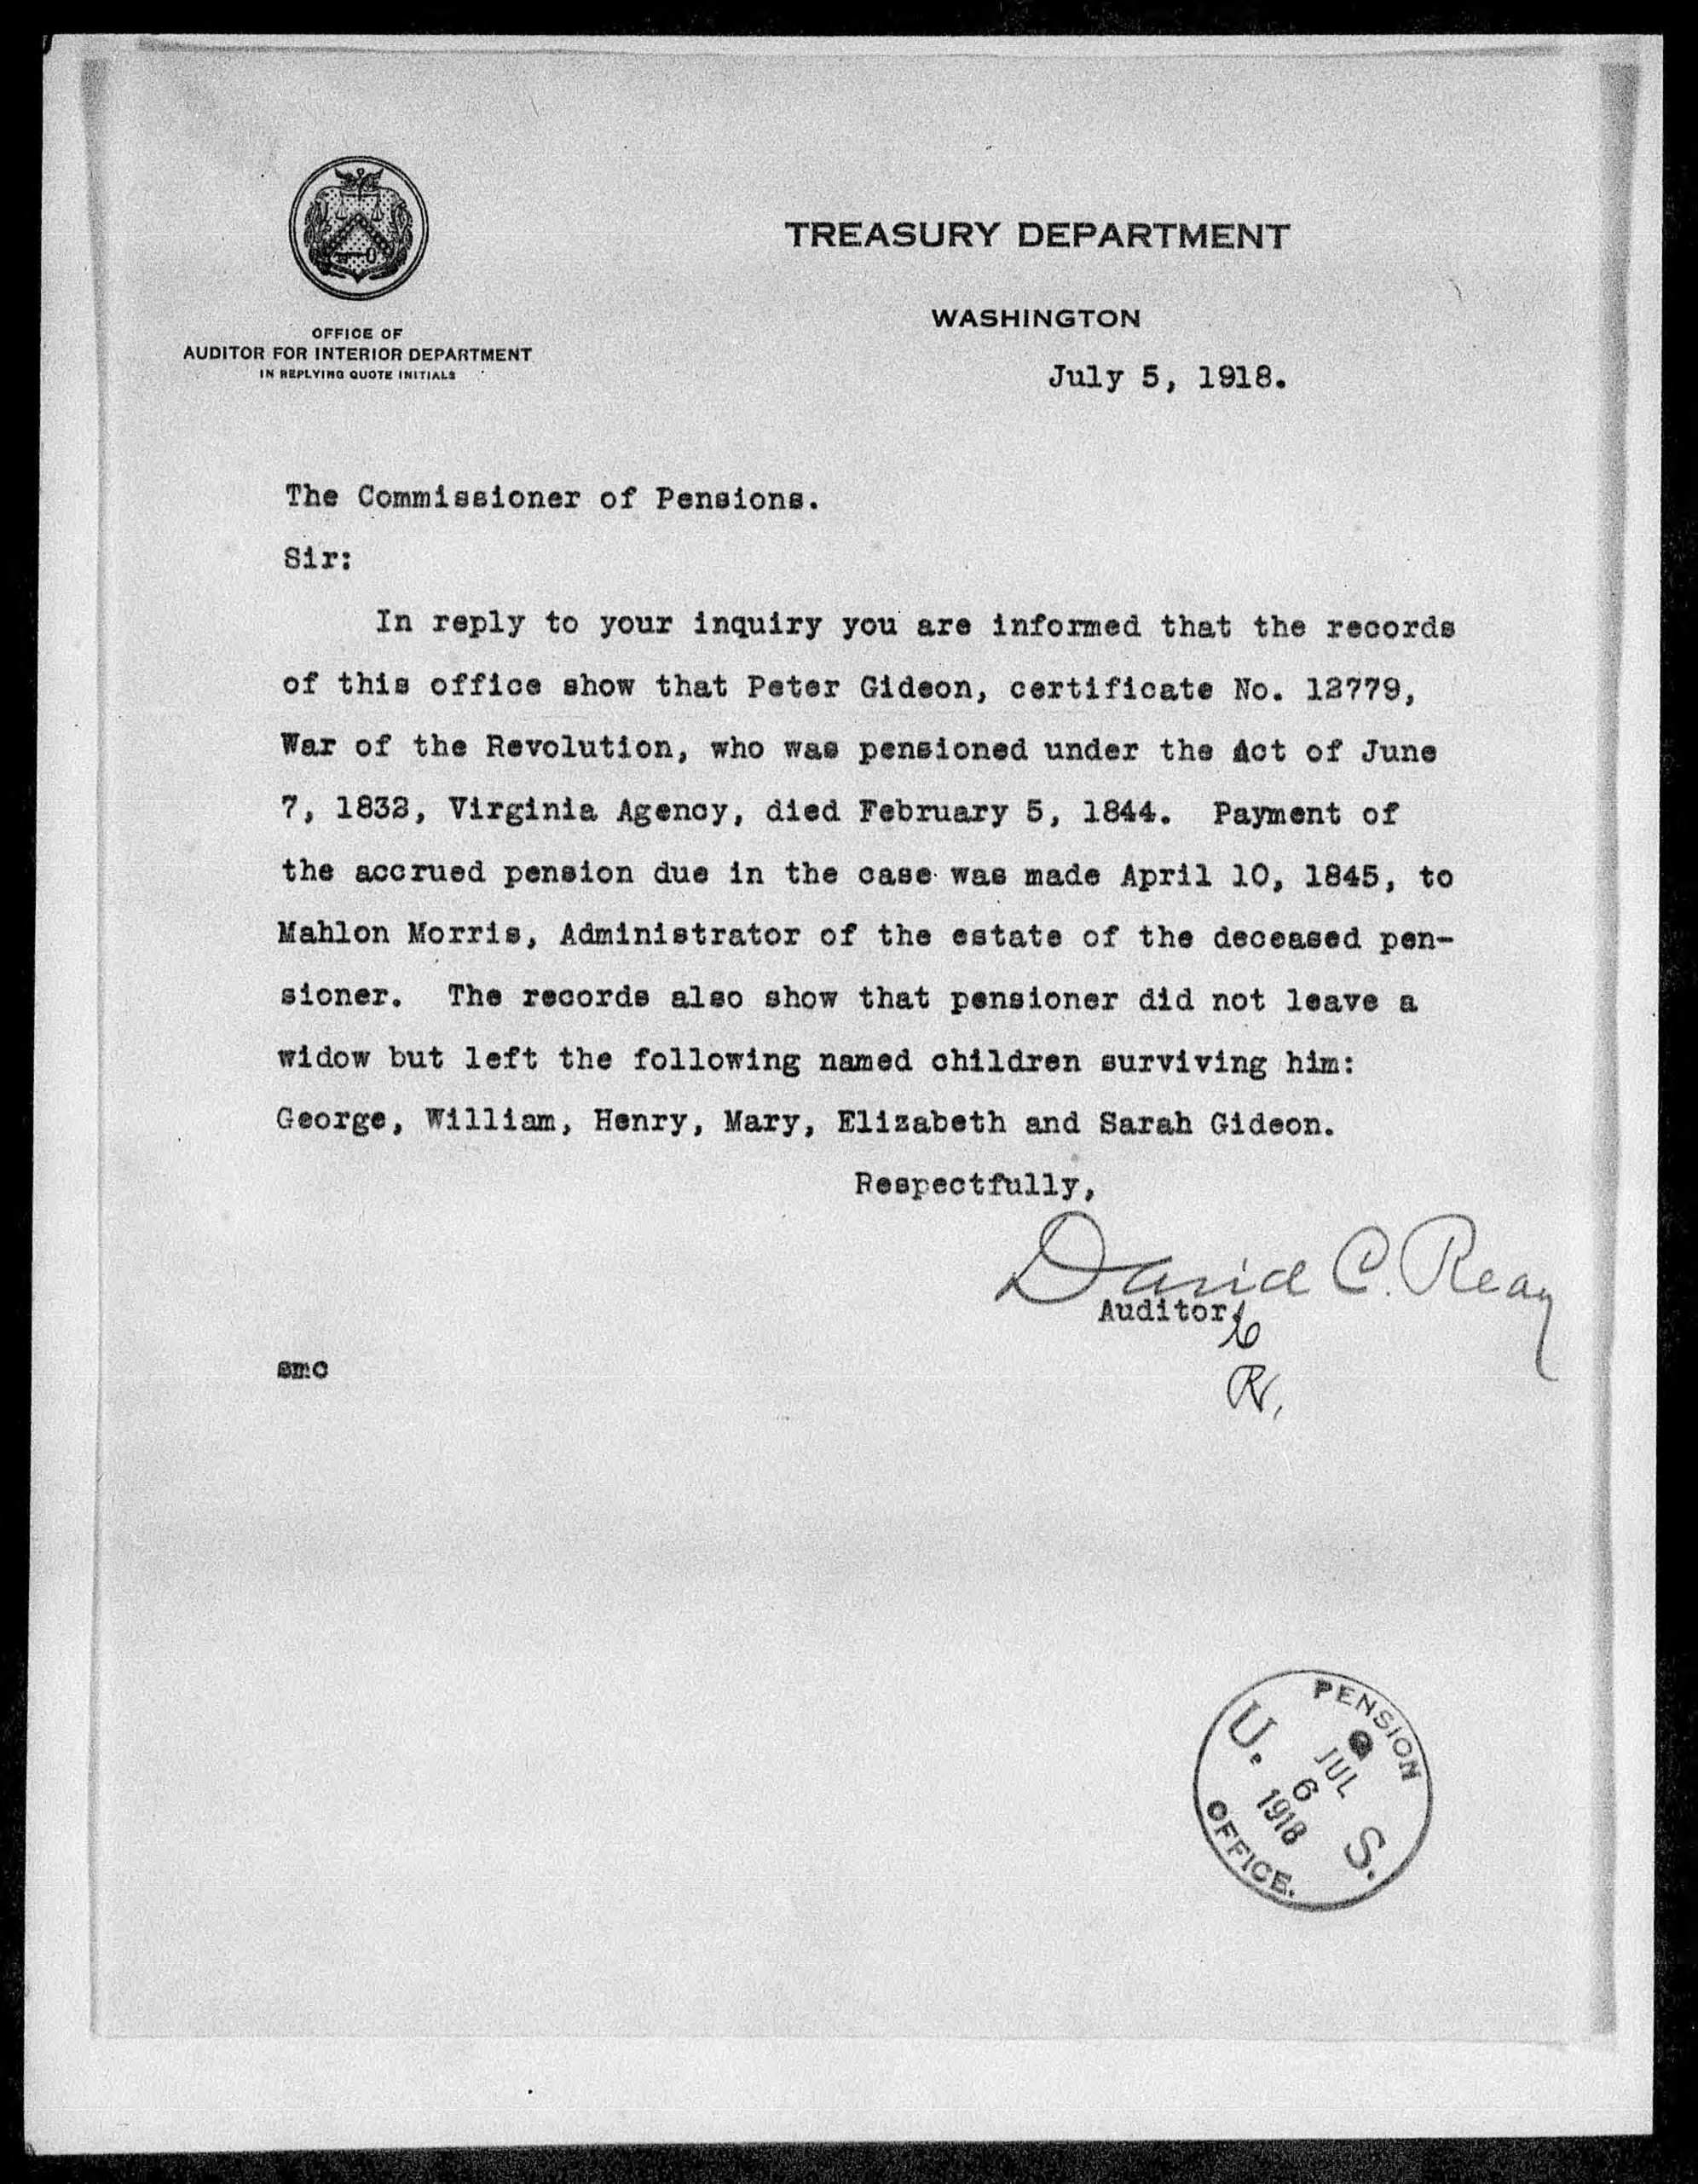OFFICE OF
AUDITOR FOR INTERIOR DEPARTMENT
IN REPLYING QUOTE INITIALS

TREASURY DEPARTMENT
WASHINGTON
July 5, 1918.

The Commissioner of Pensions,
Sir:

In reply to your inquiry you are informed that the records
of this office show that Peter Gideon, certificate No. 12779,
War of the Revolution, who was pensioned under the Act of June 7, 1832, Virginia Agency, died February 5, 1844. Payment of
the accrued pension due in the case was made April 10, 1845, to Mahlon Morris, Administrator of the estate of the deceased pensioner. The records also show that pensioner did not leave a widow but left the following named children surviving him: George, William Henry, Mary, Elizabeth and Sarah Gideon.

Respectfully,
David C. Reay
Auditor
[stamped received Jul 6 1918]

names: Sarah Gideon, Henry Gideon, David C Reay, William Gideon, Mahlon Morris, George Gideon, Mary Gideon, Elizabeth Gideon, Peter Gideon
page: 42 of 64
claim: survivor's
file: S. 6887, Peter Gideon, Md.